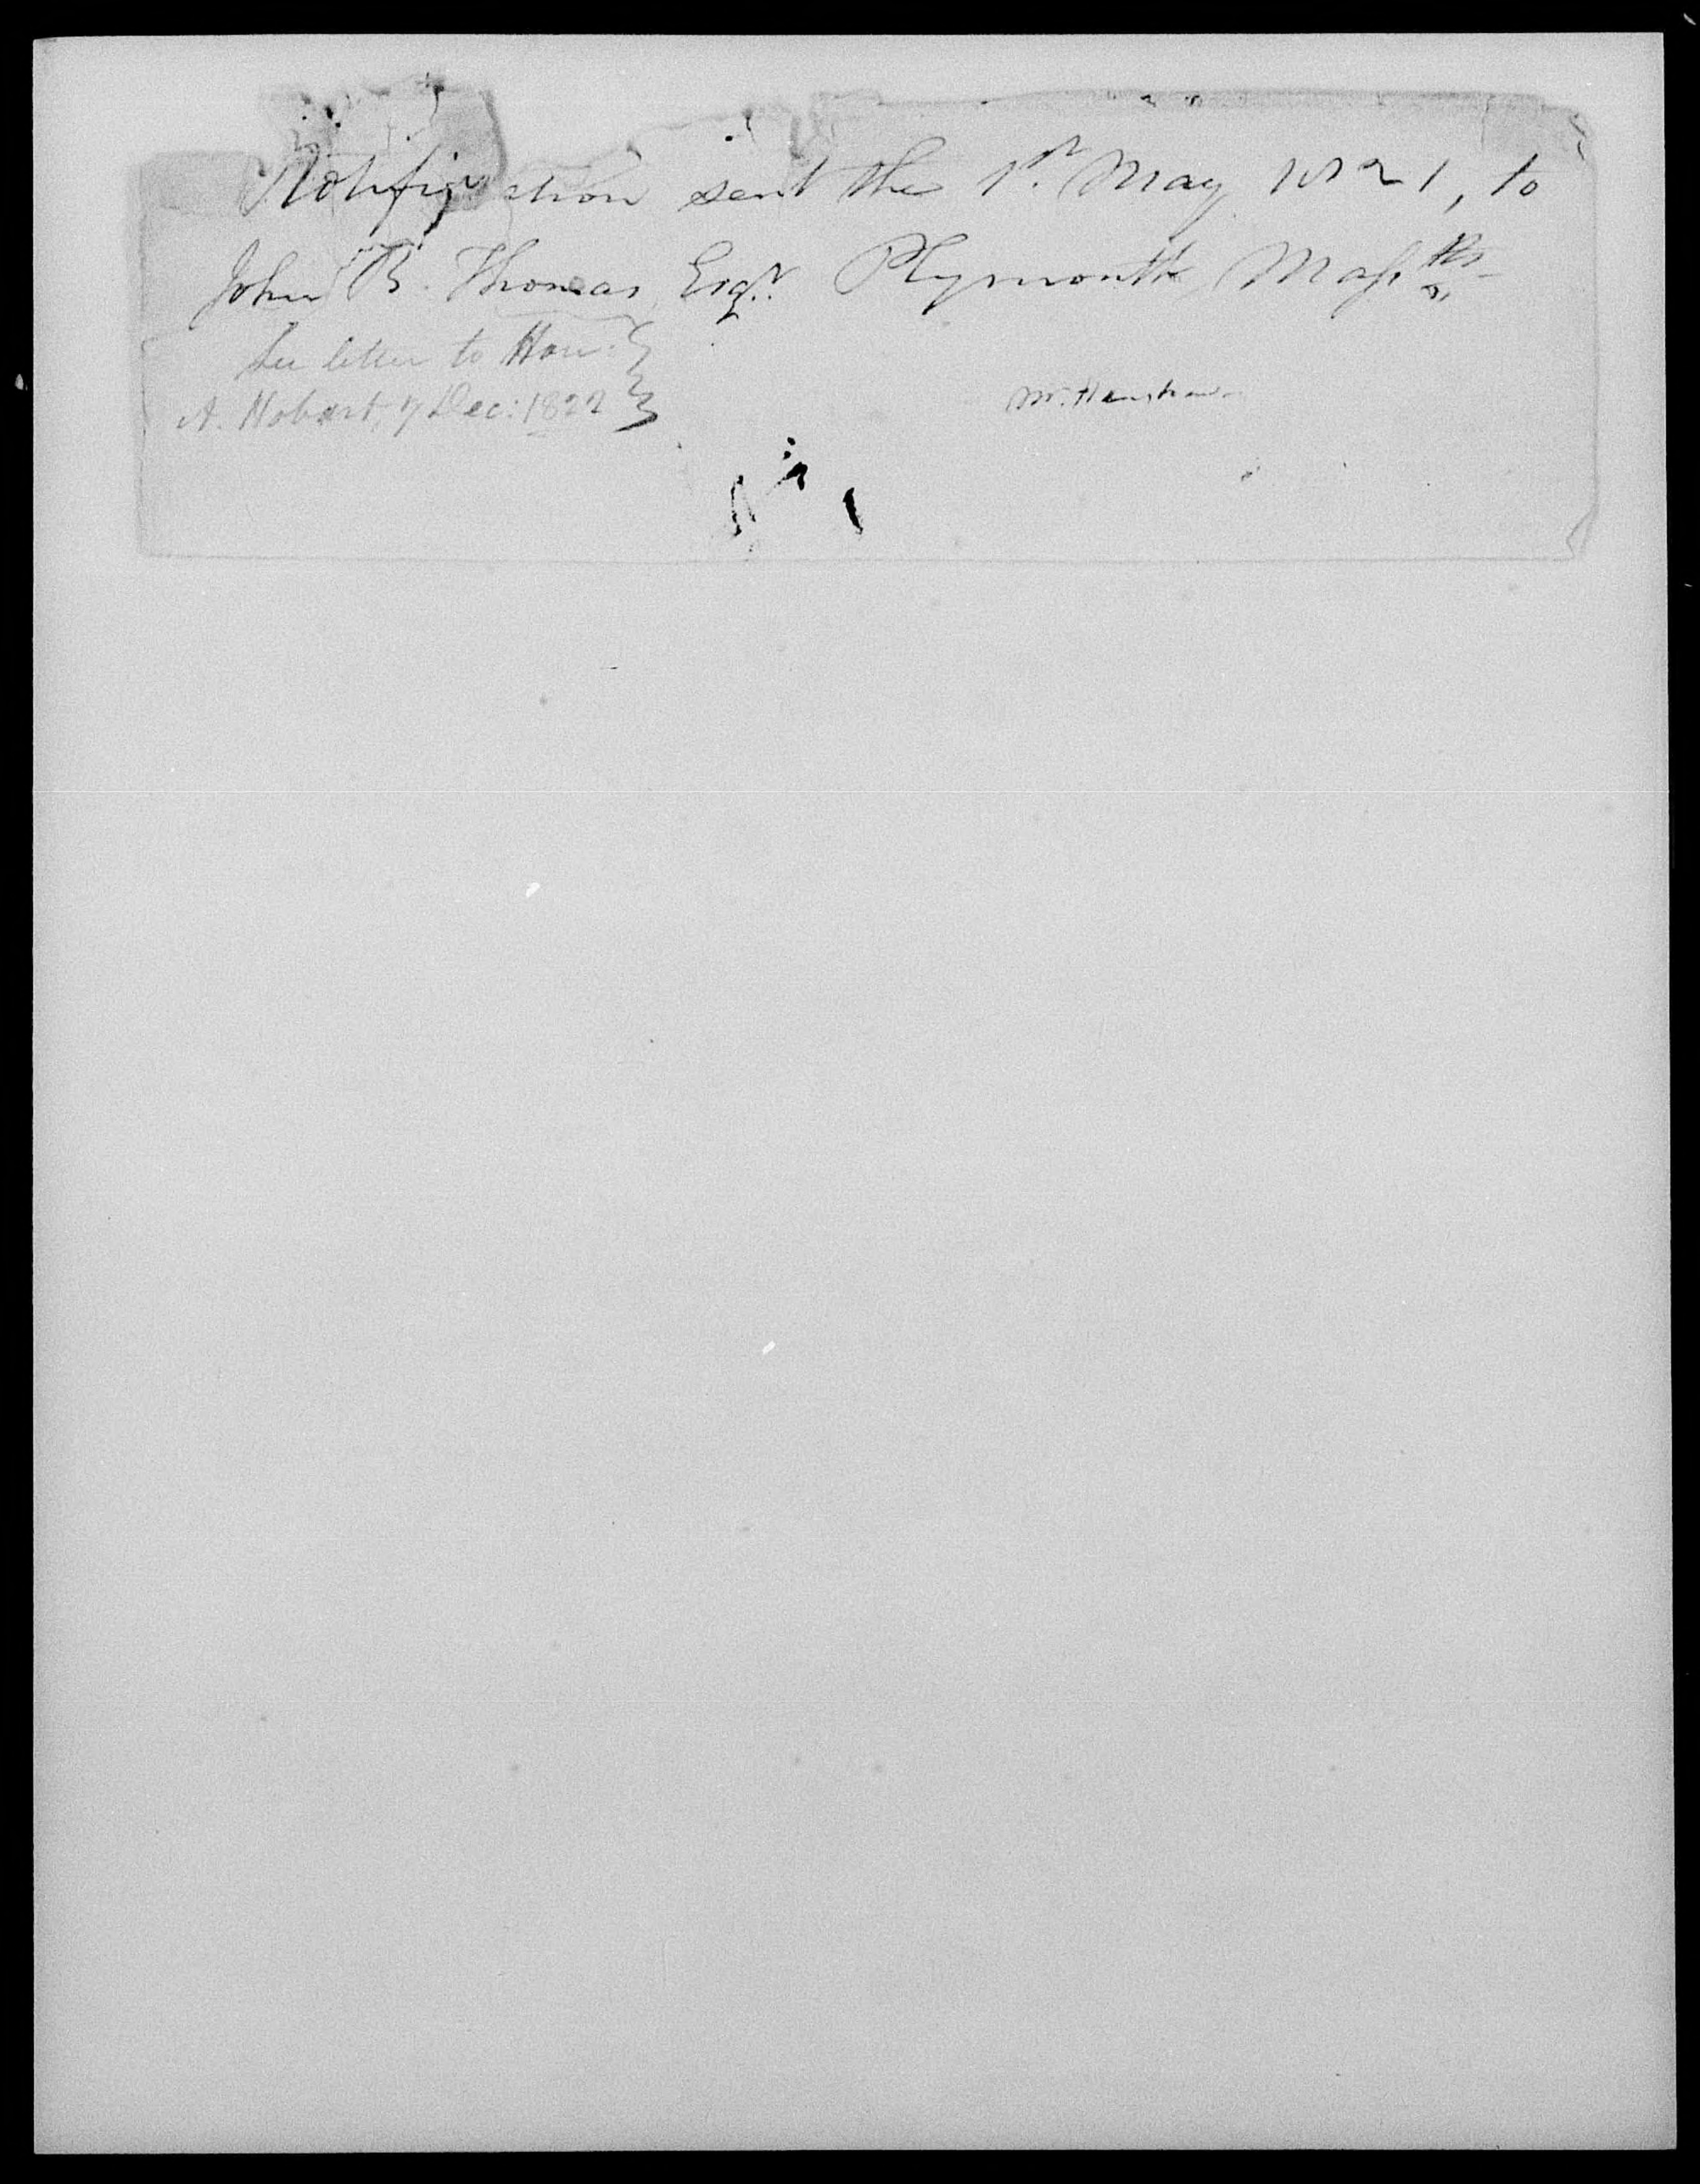Verification sent the 1st May 1821 to
John B. Thomas Esqr Plymouth Mass'tts
---
See letter to Hon.    }
A. Hobart,  7 Dec. 1822 }

M. Henshaw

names: John B Thomas; A Hobart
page: 19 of 82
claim: widow's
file: W. 13,634, for Rufus Lincoln, Massachusetts